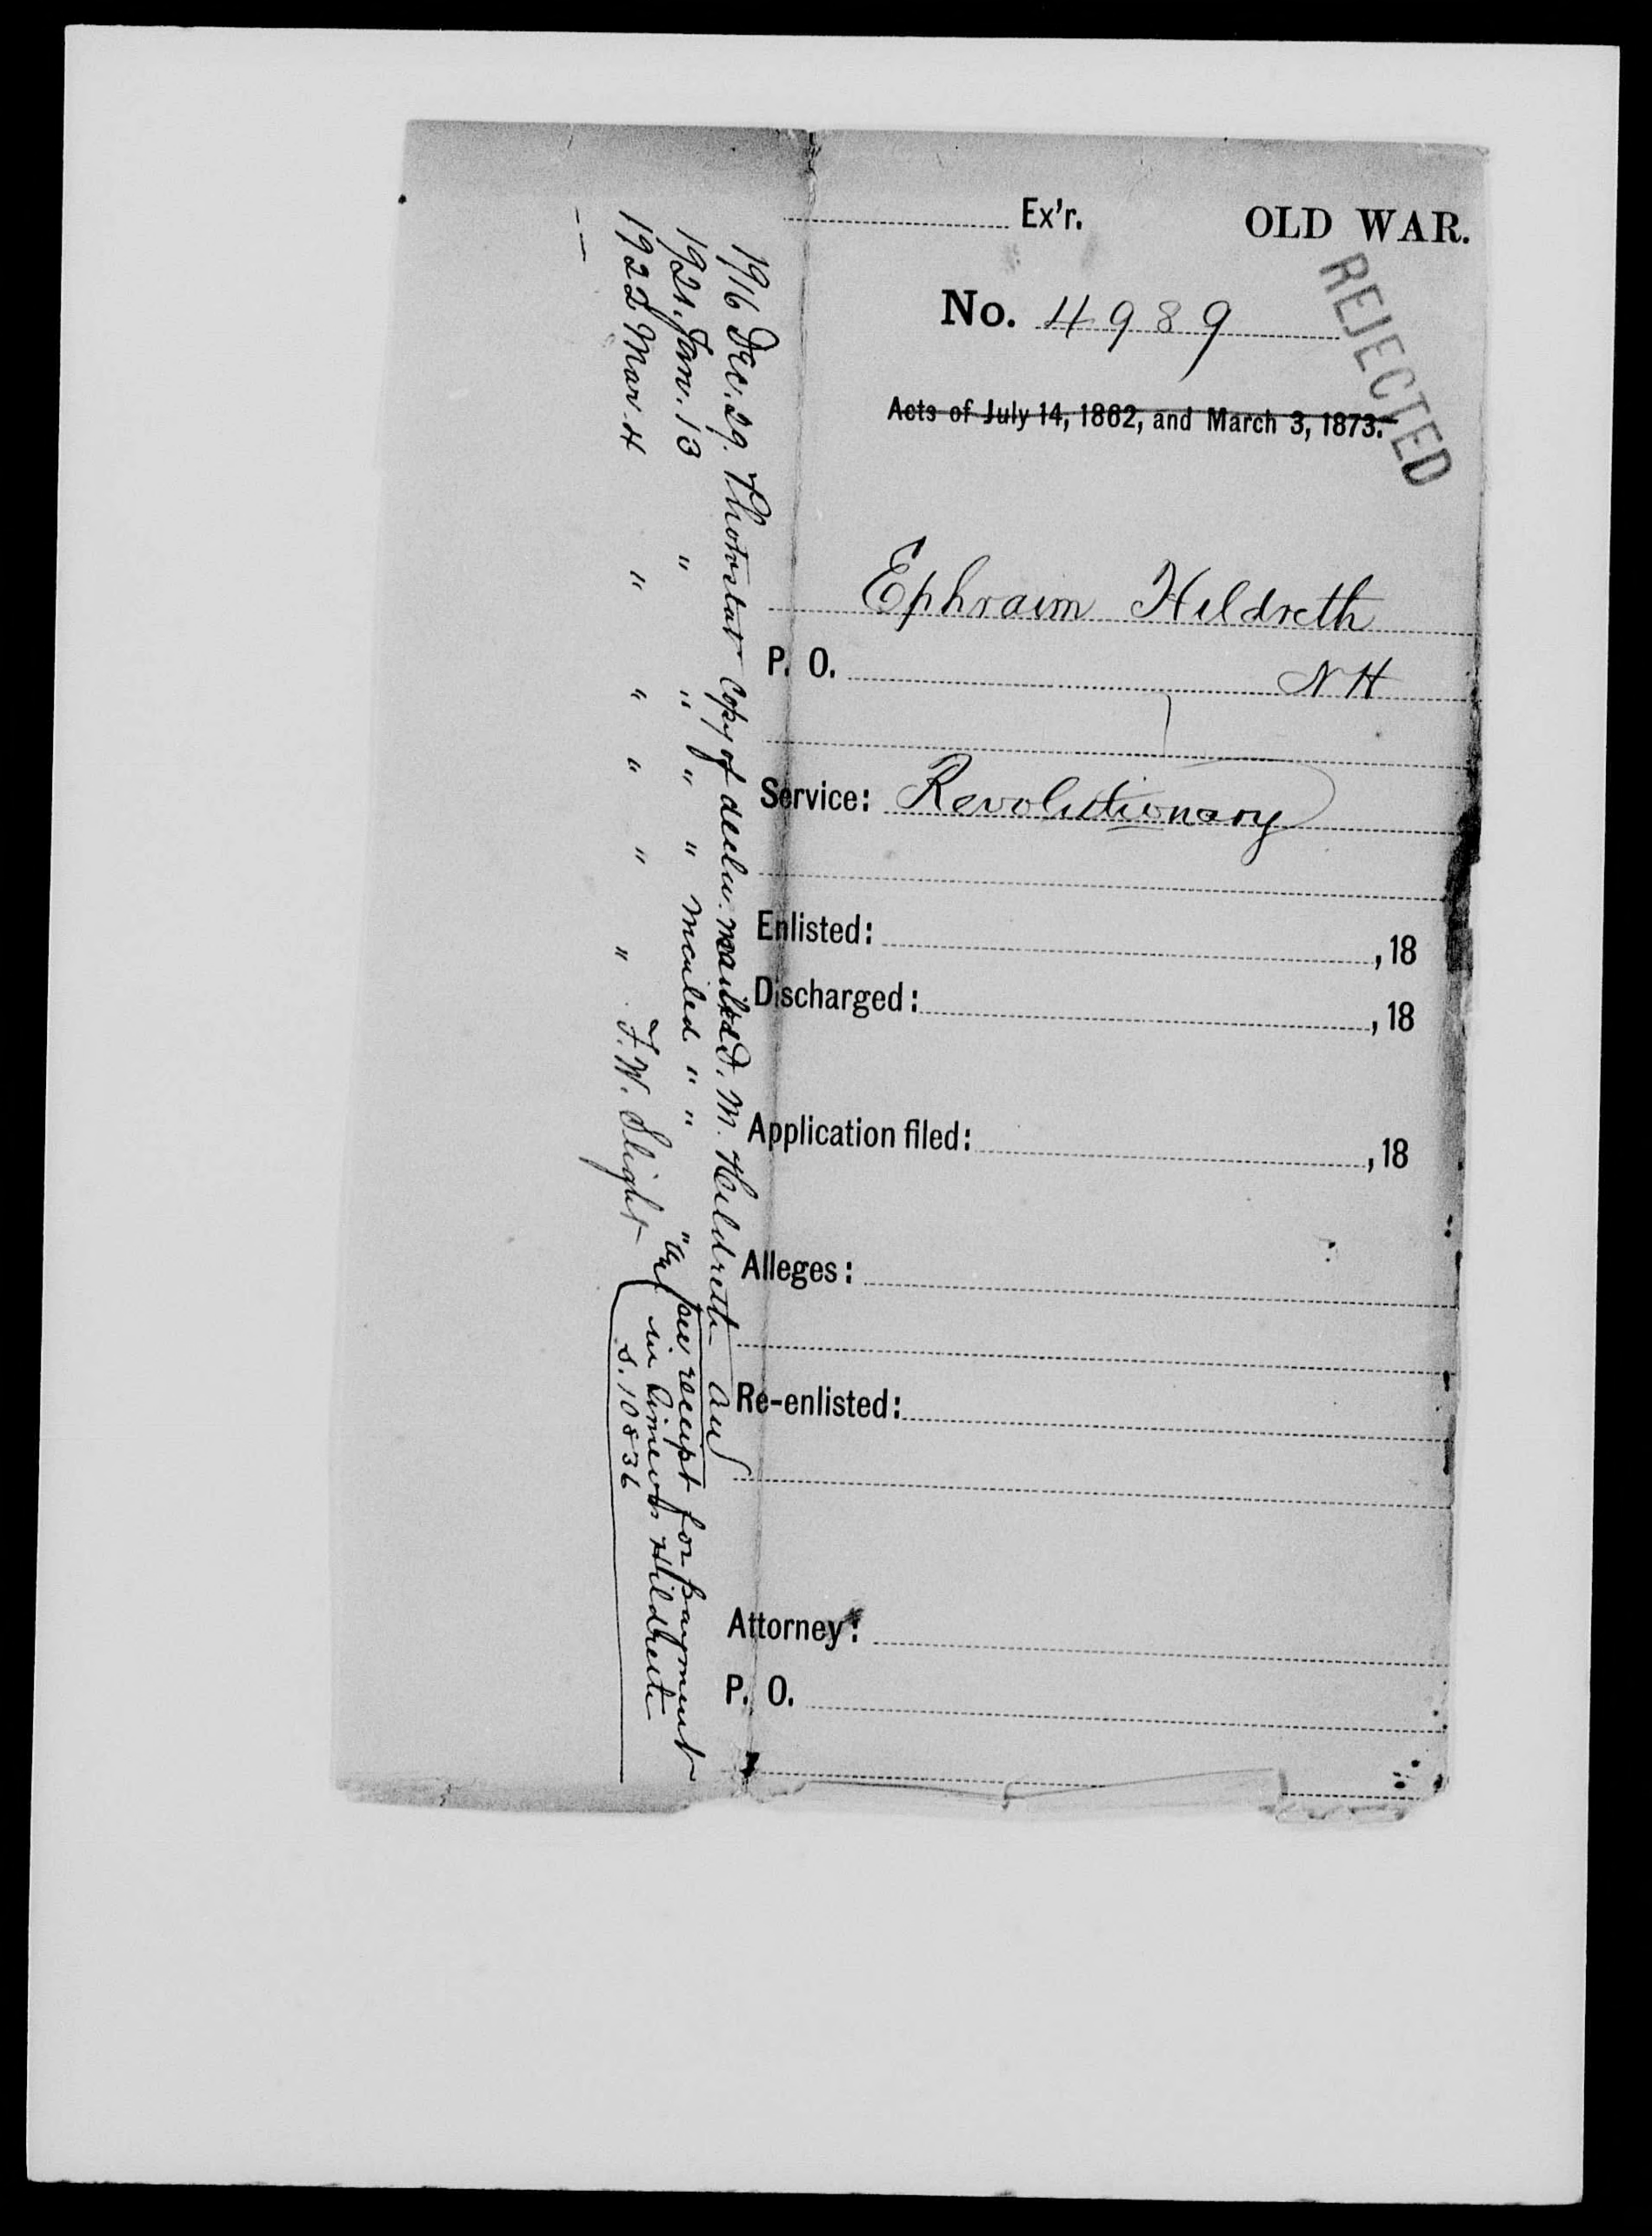(blank) Ex'r.    OLD WAR. 
No.  4989
(stamp --REJECTED)
(lined out -- Acts of July 14, 1862, and March 3, 1873.) 

Ephraim Hildreth 

P. O.  N(ew) H(ampshire) 

Service:   Revolutionary

Enlisted:  (left blank) , 18
Discharged (left blank),  18
Application filed (left blank), 18
Alleges:  (left blank)  
Re-enlisted:  (left blank)
Attorney (left blank)
P. O.

(sideways note on left side of record) 

1916 Dec(ember) 29 Photostat copy of declar(ation) mailed  D. M. Hildreth   AW

1921 Jan(uary) 13 (ditto) mailed  (ditto) 

1922 Nov(ember) 4   (ditto) F. W. Slight

(boxed note:  see receipt for payment in Simeon Hildreth S. 10836) 

(sideways note ends)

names: D M Hildreth, F W Slight, Ephraim Hildreth, Simeon Hildreth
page: 13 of 17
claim: rejected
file: R. 4989, Ephraim Hildreth, N.H.